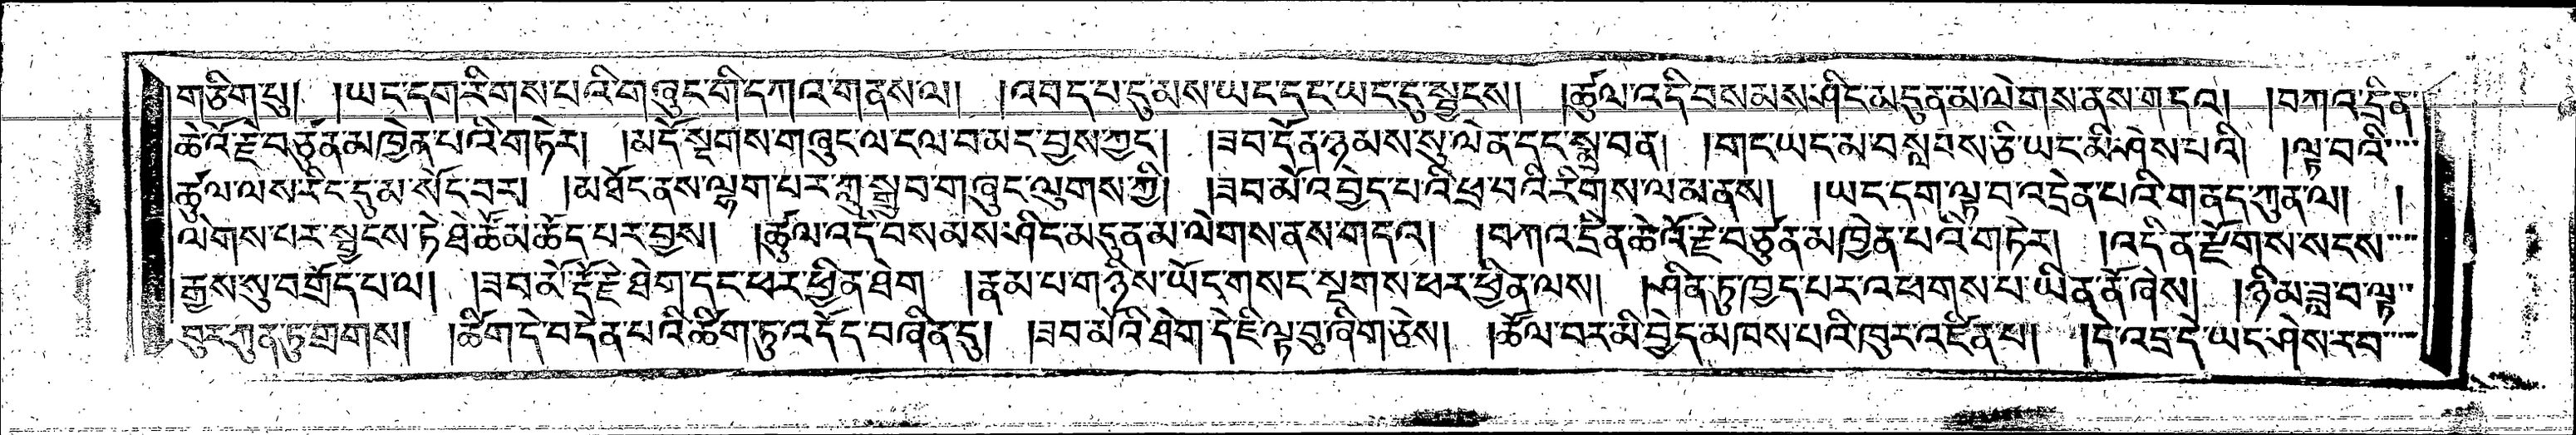གཅིག་པུ། །ཡང་དག་རིགས་པའི་གཞུང་གི་དཀའ་གནས་ལ། །འབད་པ་དུ་མས་ཡང་དང་ཡང་དུ་སྦྱངས། །ཚུལ་འདི་བསམས་ཤིང་མདུན་མ་ལེགས་ནས་གདའ། །བཀའ་དྲིན་
ཆེའོ་རྗེ་བཙུན་མཁྱེན་པའི་གཏེར། །མདོ་སྔགས་གཞུང་ལ་ངལ་བ་མང་བྱས་ཀྱང་། །ཟབ་དོན་ཉམས་སུ་ལེན་དང་སྨྲ་བ་ན། །གང་ཡང་མ་བསླབས་ཅི་ཡང་མི་ཤེས་པའི། །ལྟ་བའི་
ཚུལ་ལས་རིང་དུ་མ་སོང་བར། །མཐོང་ནས་ལྷག་པར་ཀླུ་སྒྲུབ་གཞུང་ལུགས་ཀྱི། །ཟབ་མོ་འབྱེད་པའི་ཕྲ་བའི་རིགས་ལམ་ནས། །ཡང་དག་ལྟ་བ་འདྲེན་པའི་གནད་ཀུན་ལ། །
ལེགས་པར་སྦྱངས་ཏེ་ཐེ་ཚོམ་ཆོད་པར་བྱས། །ཚུལ་འདི་བསམས་ཤིང་མདུན་མ་ལེགས་ནས་གདའ། །བཀའ་དྲིན་ཆེའོ་རྗེ་བཙུན་མཁྱེན་པའི་གཏེར། །འདི་ན་རྫོགས་སངས་
རྒྱས་སུ་བགྲོད་པ་ལ། །ཟབ་མོ་རྡོ་རྗེ་ཐེག་དང་ཕར་ཕྱིན་ཐེག །རྣམ་པ་གཉིས་ཡོད་གསང་སྔགས་ཕར་ཕྱིན་ལས། །ཤིན་ཏུ་ཁྱད་པར་འཕགས་པ་ཡིན་ནོ་ཞེས། །ཉི་མ་ཟླ་བ་ལྟ་
བུར་ཀུན་ཏུ་གྲགས། །ཚིག་དེ་བདེན་པའི་ཚིག་ཏུ་འདོད་བཞིན་དུ། །ཟབ་མོའི་ཐེག་དེ་ཇི་ལྟ་བུ་ཞིག་ཅེས། །ཚོལ་བར་མི་བྱེད་མཁས་པའི་ཁུར་འཛིན་པ། །དེ་འདྲ་དེ་ཡང་ཤེས་རབ་